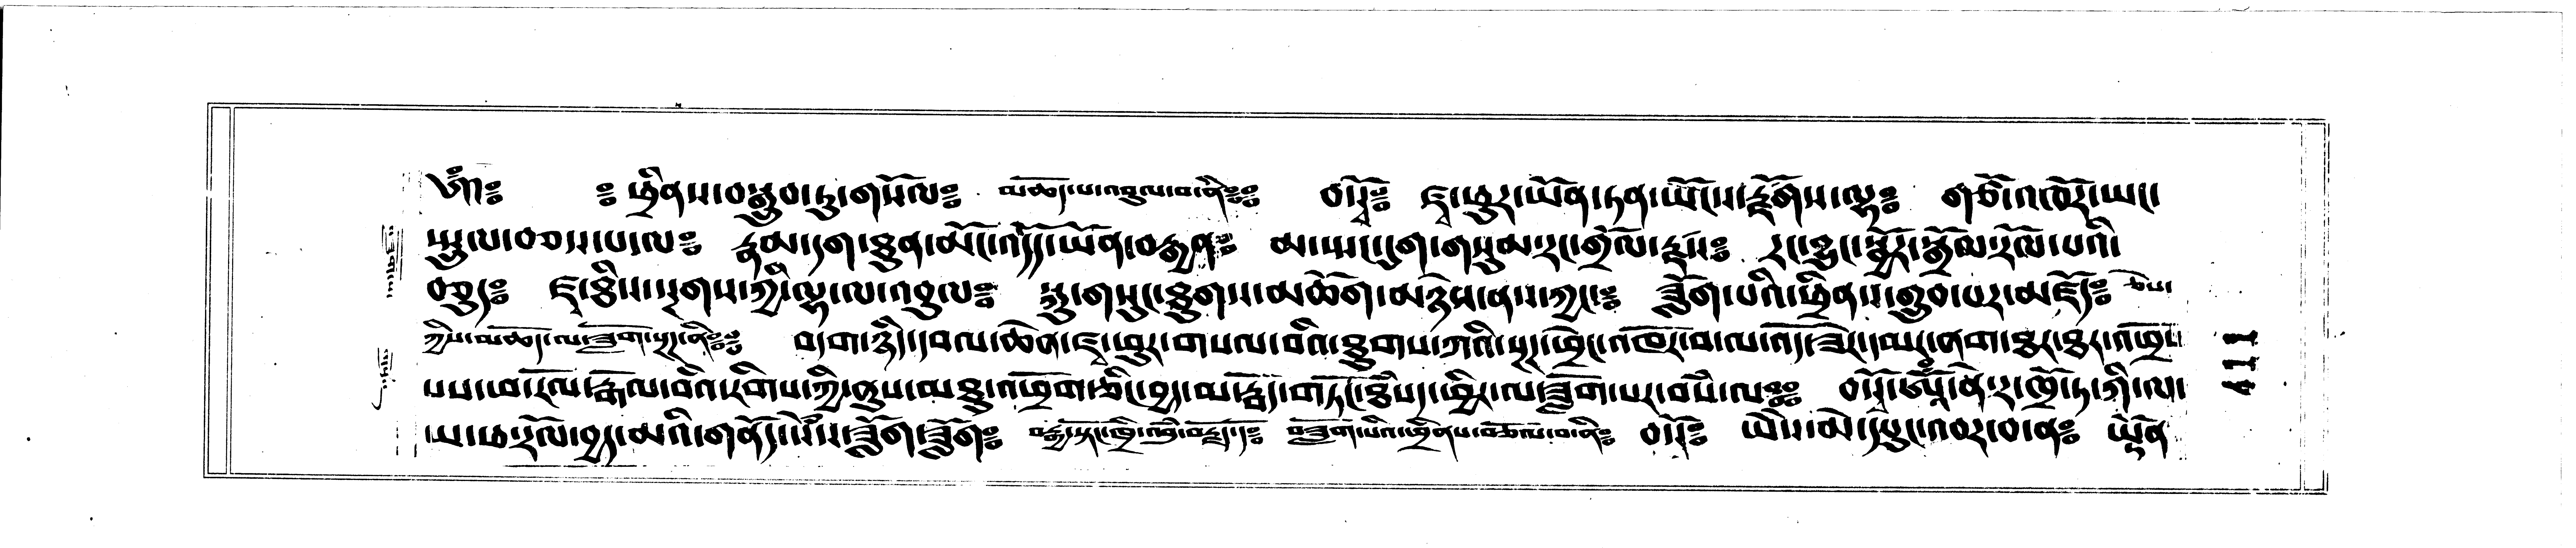༅།༔༔ཕྲིན་ལས་བསྒྲུབ་ཏུ་གསོལ༔མཆོད་པ་འབུལ་བ་ནི༔༔བསྭོ༔༔ཛྭ་ཕུར་ཡོན་ཏན་ཡོངས་རྫོགས་ལྷ༔གཙོ་འཁོར་ཡང་
སྤྲུལ་བཅས་པ་ལ༔རྣམ་དག་ཐུན་མོངས་འདོད་ཡོན་བརྒྱན༔མ་སྤང་དུག་གསུམ་རང་གྲོལ་རྣམས༔རང་བྱུང་སྦྱོར་སྒྲོལ་རོལ་པའི་
བཅུད༔ཛྭ་ཐིས་སྔགས་ཀྱི་ལྷ་ལ་འབུལ༔སྐུ་གསུང་ཐུགས་མཆོག་མཉེས་ནས་ཀྱང་༔ཟློག་པའི་ཕྲིན་ལས་གྲུབ་པར་མཛོད༔ཅེས་
ཀྱིས་མཆོད་ལ་ཟློག་སྔགས་ནི༔༔བདག་ཉིད་དབལ་ཆེན་ཛྭ་ཕུར་གསལ་བའི་ཐུགས་ཀའི་སྔགས་ཕྲེང་འཁོར་བ་ལ་འོད་ཟེར་དམར་ནག་ཐར་ཐར་འཕྲོས་
པས་ཕ་རོལ་རྒོལ་བའི་རིགས་ཀྱི་ནུས་མཐུ་འཕྲོག་ཅིང་བྱད་མ་རྦོད་གཏོང་ཐམས་ཅད་ཕྱིར་ལ་ཟློག་པར་བསམ་ལ༔༔བསྭོ་ཨཱོཾ་ནེ་རཾ་ཁྲོ་ཏ་ཀི་ལ་
ཡ་ཕ་རོལ་བྱད་མའི་གནོད་སེམས་ཟློག་ཟློག༔བརྒྱ་སྟོང་ཁྲི་འབུམ་བརྗོད་དོ༔བཟློག་པའི་ཕྲིན་ལས་བཅོལ་བ་ནི༔བསྭོ༔ཡེ་ཤེས་མེ་དཔུང་འབར་བ་ན༔ཡོན་ཏན་